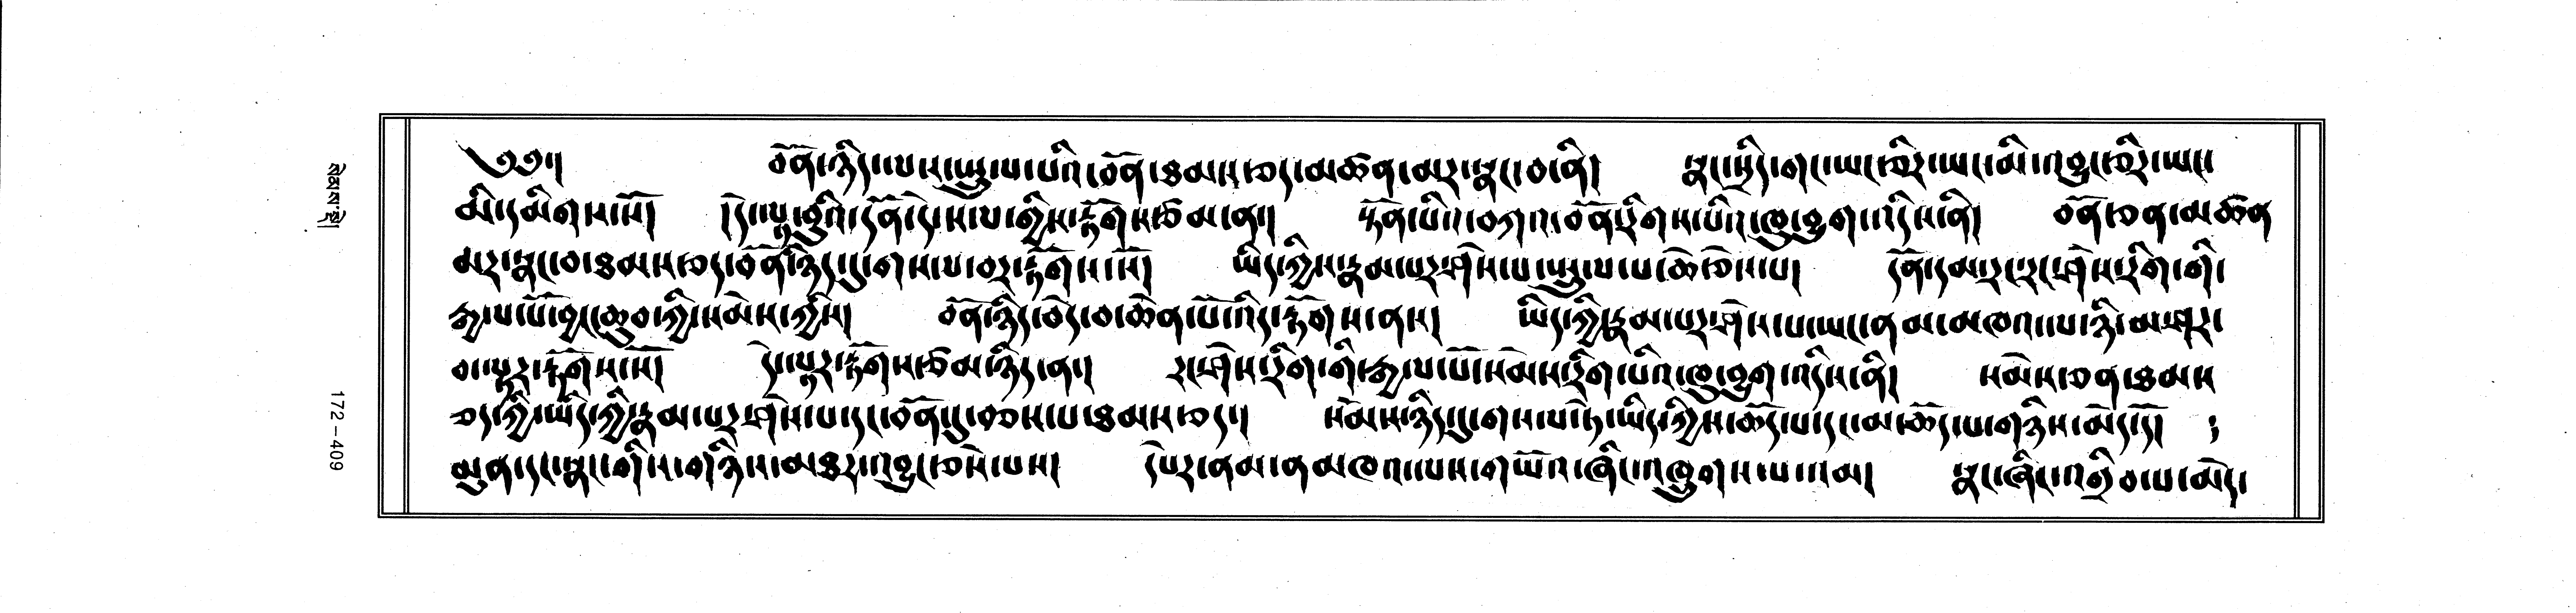བོན་ཉིད་ལས་སྤྲུལ་པའི་བོན་ཐམས་ཅད་མཚན་མར་སྣང་བ་ནི། སྣང་སྲིད་གང་ཡང་ཅིར་ཡང་མི་འབྱུང་ཅིར་ཡང་
མི་དམིགས་སོ། དེ་ལྟར་བུའི་དོན་དེ་སལ་གྱིས་རྟོགས་ཙམ་ན། སྟོན་པའི་བཀའ་བོན་རིག་པའི་ཁུ་བྱུག་འདིས་ནི། བོན་ཅན་མཚན་
མར་སྣང་བ་ཐམས་ཅད་བོན་ཉིད་དུ་གསལ་བར་རྟོགས་སོ། ཡིད་ཀྱིས་རྣམ་པར་ཤེས་པ་སྤྲུལ་པ་ཆེ་ཅེས་པ། དོན་དམ་རང་རང་ཤེས་རིག་གི་
རྒྱལ་པོ་བྱང་ཆུབ་ཀྱིས་སེམས་ཀྱིས། བོན་ཉིད་བདེ་བ་ཆེན་པོ་འདི་རྟོགས་ནས། ཡིད་ཀྱི་རྣམ་པར་ཤེས་པ་ཡང་ནམ་མཁའ་ལ་ཉི་མ་ཤར་
བ་ལྟར་རྟོགས་སོ། དེ་ལྟར་རྟོགས་ཙམ་ཉིད་ན། རང་ཤེས་རིག་གི་རྒྱལ་པོ་སེམས་རིག་པའི་ཁུ་བྱུག་འདིས་ནི། སེམས་ཅན་ཐམས་
ཅད་ཀྱི་ཡིད་ཀྱི་རྣམ་པར་ཤེས་པ་དང་བོན་དུ་བཅས་པ་ཐམས་ཅད། སེམས་ཉིད་དུ་གསལ་ཏེ་ཡིད་ཀྱིས་ཆོད་པ་དང་མ་ཆོད་པ་གཉིས་མེད་དོ། 
མུན་དང་སྣང་གིས་གཉིས་མཐར་འབྱུང་ཅེས་པས། དཔེར་ན་ནམ་མཁའ་ལས་གཡོའ་ཞིང་འཁྲུགས་པ་འམ། སྣང་ཞིང་འགྲིབ་པ་མེད་ཀྱང་།